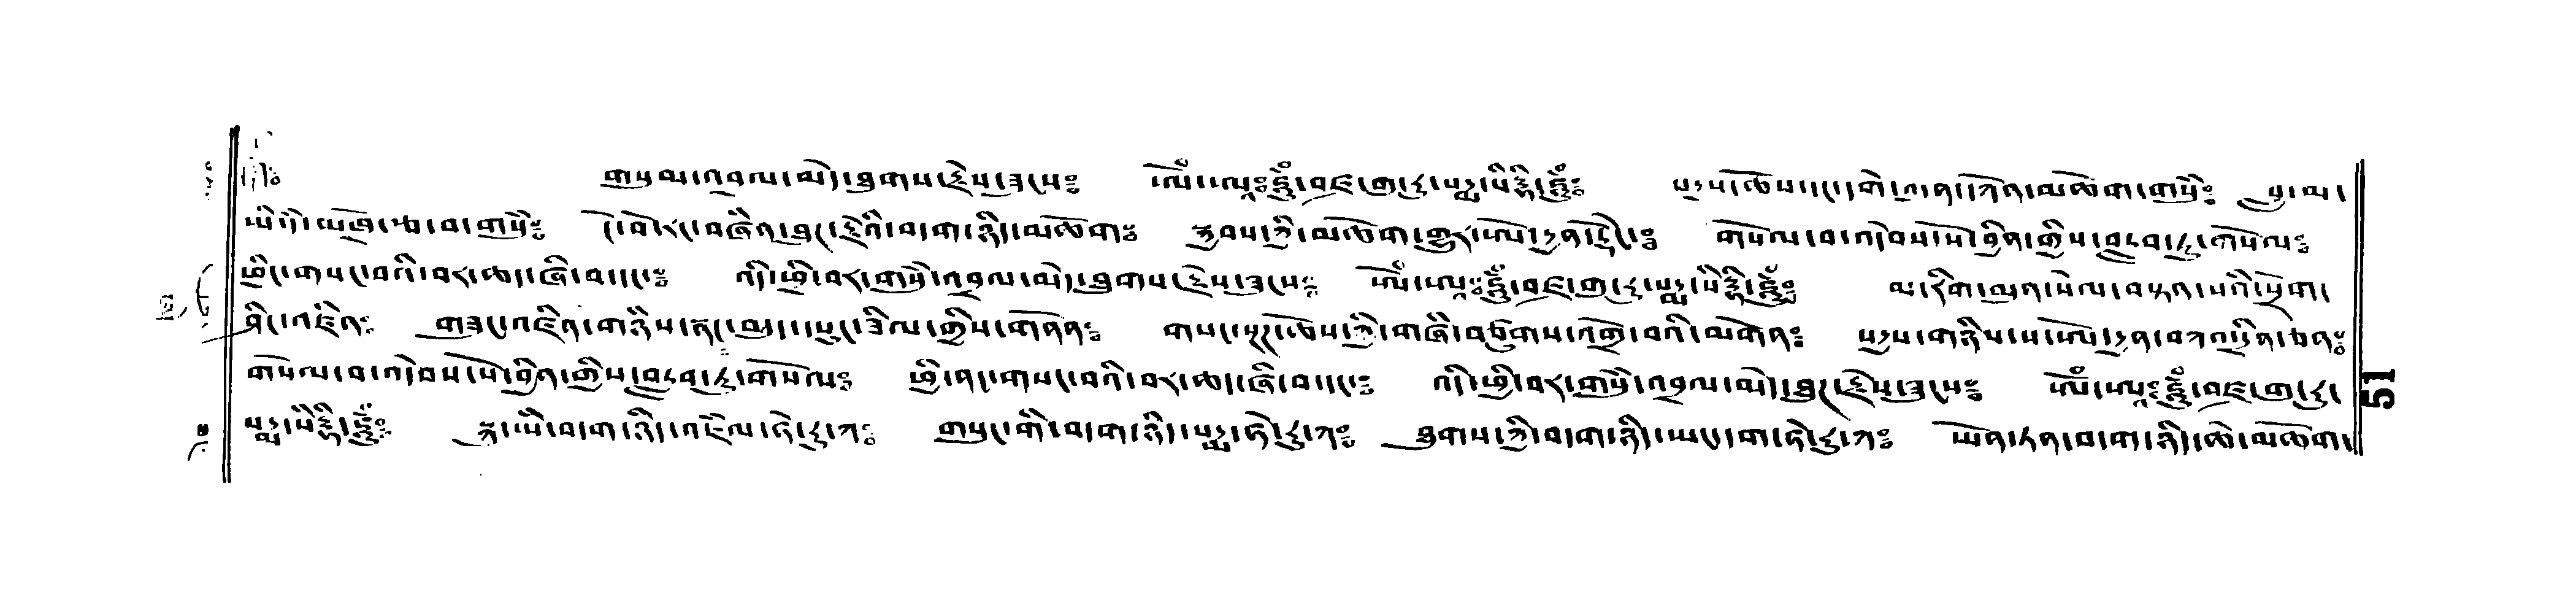གསུམ་འབྲལ་མེད་ཐུགས་རྗེས་ཟུངས༔ ཨོཾ་ཨཱཿཧཱུྃ་བཛྲ་གུ་རུ་པདྨ་སིདྡྷི་ཧཱུྃ༔ སངས་རྒྱས་ཆོས་དང་དགེ་འདུན་དཀོན་མཆོག་གསུམ༔ བླ་མ་
ཡི་དམ་མཁའ་འགྲོ་རྩ་བ་གསུམ༔ ངོ་བོ་རང་བཞིན་ཐུགས་རྗེའི་བདག་ཉིད་མཆོག༔ སྐྱབས་ཀྱི་མཆོག་གྱུར་ཨོ་རྒྱན་རྡོ་རྗེ་འཆང༔ གསོལ་བ་འདེབས་སོ་བྱིན་གྱིས་བརླབ་ཏུ་གསོལ༔ 
ཕྱི་ནང་གསང་བའི་བར་ཆད་ཞི་བ་དང༔ འདི་ཕྱི་བར་གསུམ་འབྲལ་མེད་ཐུགས་རྗེས་ཟུངས༔ ཨོཾ་ཨཱཿཧཱུྃ་བཛྲ་གུ་རུ་པདྨ་སིདྡྷི་ཧཱུྃ༔ མ་རིག་མུན་སེལ་བསྟན་པའི་སྲོག་
ཤིང་འཛིན༔ གཟུང་འཛིན་གཉིས་སྣང་མུན་དཔུང་ཟིལ་གྱིས་གནོན༔ གསང་སྔགས་ཆོས་ཀྱི་གཞི་བཙུགས་འགྲོ་བའི་མགོན༔ སངས་རྒྱས་གཉིས་པ་ཨོ་རྒྱན་བཀའ་དྲིན་ཅན༔ 
གསོལ་བ་འདེབས་སོ་བྱིན་གྱིས་བརླབ་ཏུ་གསོལ༔ ཕྱི་ནང་གསང་བའི་བར་ཆད་ཞི་བ་དང༔ འདི་ཕྱི་བར་གསུམ་འབྲལ་མེད་ཐུགས་རྗེས་ཟུངས༔ ཨོཾ་ཨཱཿཧཱུྃ་བཛྲ་གུ་རུ་
པདྨ་སིདྡྷི་ཧཱུྃ༔ སྐུ་ཡི་བདག་ཉིད་འཇམ་དཔལ་ཧེ་རུ་ཀ༔ གསུང་གི་བདག་ཉིད་པདྨ་ཧེ་རུ་ཀ༔ ཐུགས་ཀྱི་བདག་ཉིད་ཡང་དག་ཧེ་རུ་ཀ༔ ཡོན་ཏན་བདག་ཉིད་ཆེ་མཆོག་